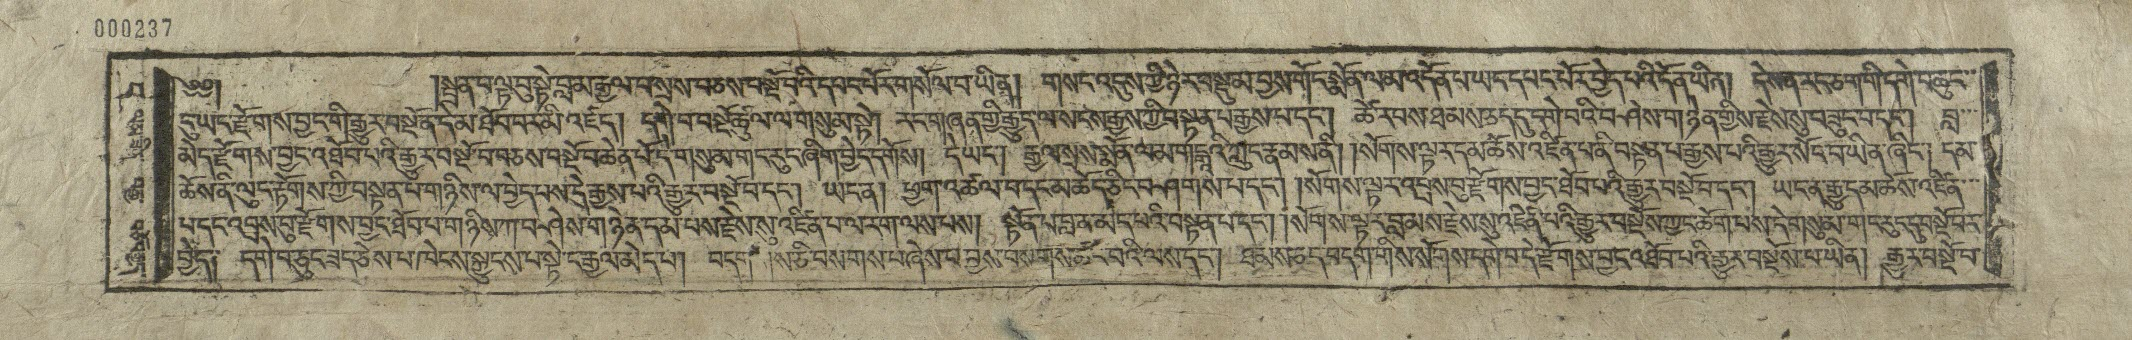༄༅། །སྦྲན་པ་ལྟ་བུ་སྟེ་བླ་མ་རྒྱལ་བ་སྲས་བཅས་བསྔོ་བའི་དཔང་པོར་གསོལ་བ་ཡིན། གསང་འདུས་ཀྱི་ཉེར་བསྡུ་མ་བྱས་གོང་སྨོན་ལམ་འདོན་པ་ཡང་དཔང་པོར་བྱེད་པའི་དོན་ཡིན། དེས་ན་རང་ཅག་གི་དགེ་བ་ཆུང་
དུ་ཡང་རྫོགས་བྱང་གི་རྒྱུར་བསྔོ་ན་དེ་མ་ཐོབ་པར་མི་འཛད། དགེ་བ་བསྔོ་ཚུལ་ལ་གསུམ་སྟེ། རང་གཞན་གྱི་རྒྱུད་ལ་སངས་རྒྱས་ཀྱི་བསྟན་པ་རྒྱས་པ་དང་། ཚེ་རབས་ཐམས་ཅད་དུ་དགེ་བའི་བཤེས་གཉེན་གྱིས་རྗེས་སུ་བཟུང་བ་དང་། བླ་
མེད་རྫོགས་བྱང་འཐོབ་པའི་རྒྱུར་བསྔོ་བ་བཅས་བསྔོ་བ་ཆེན་པོ་དེ་གསུམ་གང་རུང་ཞིག་བྱེད་དགོས། དེ་ཡང་། རྒྱལ་སྲས་སྨོན་ལམ་གངྒཱཨི་ཀླུང་རྣམས་ནི། །སོགས་ལྟར་དམ་ཆོས་འཛིན་པ་ནི་བསྟན་པ་རྒྱས་པའི་རྒྱུར་སོང་བ་ཡིན་ཞིང་། དམ་
ཆོས་ནི་ལུང་རྟོགས་ཀྱི་བསྟན་པ་གཉིས་ལ་བྱེད་པས་དེ་རྒྱས་པའི་རྒྱུར་བསྔོ་བ་དང་། ཡང་ན། ཕྱག་འཚལ་བ་དང་མཆོད་ཅིང་བཤགས་པ་དང་། །སོགས་ལྟར་འབྲས་བུ་རྫོགས་བྱང་ཐོབ་པའི་རྒྱུར་བསྔོ་བ་དང་། ཡང་ན་རྒྱུ་དམ་ཆོས་འཛིན་
པ་དང་འབྲས་བུ་རྫོགས་བྱང་ཐོབ་པ་གཉིས་ཀ་བཤེས་གཉེན་དམ་པས་རྗེས་སུ་འཛིན་པ་ལ་རག་ལས་པས། སྟོན་པ་བླ་ན་མེད་པའི་བསྟན་པ་དང་། །སོགས་ལྟར་བླ་མས་རྗེས་སུ་འཛིན་པའི་རྒྱུར་བསྔོས་ཀྱང་ཆོག་པས་དེ་གསུམ་གང་རུང་དུ་བསྔོ་བར་
བྱེད༑ དགེ་བ་ཅུང་ཟད་ཅེས་པ་ཁེངས་སྐྱུངས་པ་སྟེ་ང་རྒྱལ་མེད་པ། བདག་གིས་ཅི་བསགས་པ་ཞེས་པ་བྱས་བསགས་ཚང་བའི་ལས་དང་། ཐམས་ཅད་བདག་གིས་སོགས་དགེ་བ་དེ་རྫོགས་བྱང་འཐོབ་པའི་རྒྱུར་བསྔོས་པ་ཡིན། རྒྱུར་བསྔོ་བ་